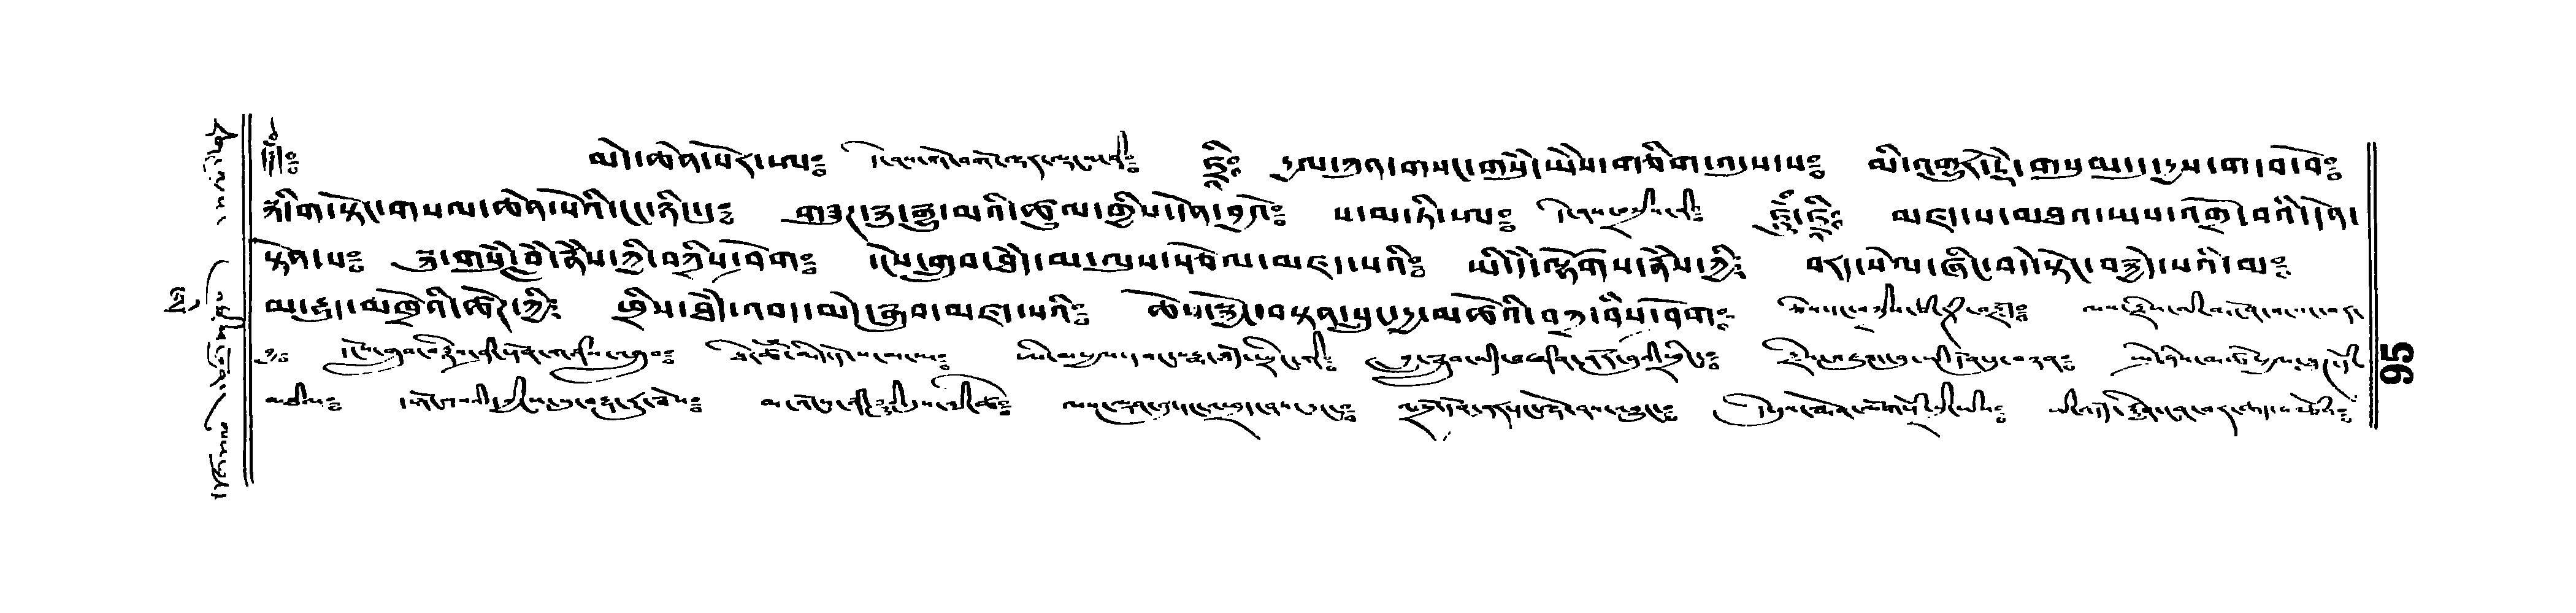མེད་ཆེན་པོར་ཨཱཿ དེ་ནས་གོ་བགོ་ལྷར་ལྡང་པ་ནི༔ ཧྲཱིཿ རྒྱལ་ཀུན་གསང་གསུམ་ཡེ་ཤེས་གཅིག་འདུས་པ༔ མི་འགྱུར་རྡོ་རྗེ་གསུམ་དུ་རྒྱས་གདབ་བོ༔ 
སྐད་ཅིག་སྟོང་གསལ་ཆེན་པོའི་ངང་ཉིད་དུ༔ གཟུགས་སྐུ་སྒྱུ་མའི་ཚུལ་གྱིས་དོན་བྱའོ༔ ས་མ་ཏི་ཨཱཿ དེ་ནས་བཀྲ་ཤིས་ནི༔ ཧཱུྃ་ཧྲཱིཿ མཛད་པ་མཐའ་ཡས་འགྲོ་བའི་དོན་
སྟོན་པ༔ སྐུ་གསུམ་བླ་མ་རྣམས་ཀྱི་བཀྲ་ཤིས་ཤོག༔ དངོས་གྲུབ་ཐམས་ཅད་མ་ལུས་སྩོལ་མཛད་པའི༔ ཡི་དམ་ལྷ་ཚོགས་རྣམས་ཀྱི༴ བར་ཆད་སེལ་ཞིང་བདེ་སྟོང་བསྐྱེད་པའི་མ༔ 
མ་རྒྱུད་མཁའ་འགྲོའི་ཚོགས་ཀྱི༴ ཕྲིན་ལས་ཐམས་ཅད་འབད་མེད་སྒྲུབ་མཛད་པའི༔ ཆོས་སྐྱོང་བསྟན་སྲུང་རྒྱ་མཚོའི་བཀྲ་ཤིས་ཤོག༔ ཅེས་དང་བཀྲ་ཤིས་ཅི་རིགས་བརྗོད༔ ལས་རྗེས་མི་མངོན་གསང་བར་
བྱ༔ དངོས་གྲུབ་བརྙེས་ཤིང་དོན་གཉིས་འགྲུབ༔ཐེ་ཚོམ་མེད་དོ་ས་མ་ཡ༔ ཨེ་མ་རྒྱལ་དབང་པདྨ་ཐོད་ཕྲེང་གི༔ བླ་སྒྲུབ་ཡིད་བཞིན་ནོར་བུའི་ཕྲེང༔ རྗེས་འཇུག་བུ་ཡི་དོན་དུ་བསྟན༔ ཡེ་ཤེས་མཚོ་རྒྱལ་ཐུགས་དམ་
མཐིལ༔ དགོངས་པའི་དབྱིངས་སུ་བརྡ་རུ་སྦོས༔ མ་འོངས་ཉི་ཤུའི་དུས་ཀྱི་ཚེ༔ ལས་ལྡན་བུ་དང་འཕྲད་ནས་ཀྱང༔ འགྲོ་དོན་ཤར་དང་ལྷོ་ནས་འབྱུང༔ དེ་དུས་སྨོན་ལོག་དམ་སྲི་ཡིས༔ མི་འདོད་རྐྱེན་ངན་བར་ཆད་བརྩམས༔